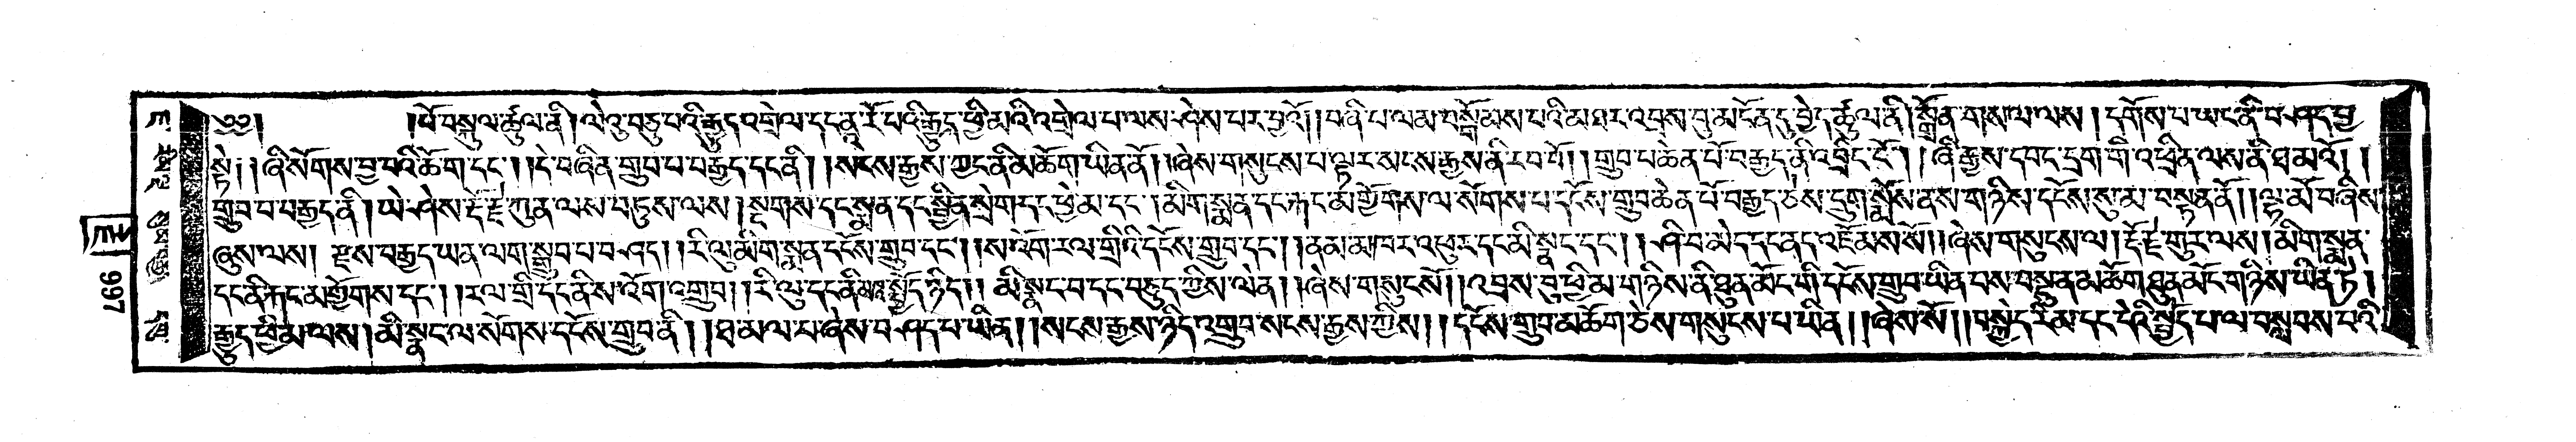༄༅། །པོ་བསྐུལ་ཚུལ་ནི། ལེའུ་བཅུ་པའི་རྒྱུད་འགྲེལ་དང་ནཱ་རོ་པའི་རྒྱུད་ཕྱི་མའི་འགྲེལ་པ་ལས་ཤེས་པར་བྱའོ། །བཞི་པ་ལམ་བསྒོམས་པའི་མཐར་འབྲས་བུ་མངོན་དུ་བྱེད་ཚུལ་ནི། སྒྲོན་གསལ་ལས། དགོས་པ་ཡང་ནི་བཤད་བྱ་
སྟེ། །ཞི་སོགས་བྱ་བའི་ཆོ་ག་དང་། །དེ་བཞིན་གྲུབ་པ་བརྒྱད་དང་ནི། །སངས་རྒྱས་ཀྱང་ནི་མཆོག་ཡིན་ནོ། །ཞེས་གསུངས་པ་ལྟར་སངས་རྒྱས་ནི་རབ་བོ། །གྲུབ་པ་ཆེན་པོ་བརྒྱད་ནི་འབྲིང་ངོ། །ཞི་རྒྱས་དབང་དྲག་གི་འཕྲིན་ལས་ནི་ཐ་མའོ། །
གྲུབ་པ་བརྒྱད་ནི། ཡེ་ཤེས་རྡོ་རྗེ་ཀུན་ལས་བཏུས་ལས། སྔགས་དང་སྨན་དང་སྦྱིན་སྲེག་དང་ཕྱེ་མ་དང་། མིག་སྨན་དང་རྐང་མགྱོགས་ལ་སོགས་པ་དངོས་གྲུབ་ཆེན་པོ་བརྒྱད་ཅེས་དྲུག་སྨོས་ནས་གཉིས་དངོས་སུ་མ་བསྟན་ནོ། །ལྷ་མོ་བཞིས་
ཞུས་ལས། རྫས་བརྒྱད་ཡན་ལག་སྒྲུབ་པ་བཤད། །རི་ལུ་མིག་སྨན་དངོས་གྲུབ་དང་། །ས་འོག་རལ་གྲིའི་དངོས་གྲུབ་དང་། །ནམ་མཁར་འཕུར་དང་མི་སྣང་དང་། །ཤི་བ་མེད་དང་ནད་འཇོམས་སོ། །ཞེས་གསུངས་ལ། རྡོ་རྗེ་གུར་ལས། མིག་སྨན་
དང་ནི་རྐང་མགྱོགས་དང་། །རལ་གྲི་དང་ནི་ས་འོག་འགྲུབ། །རི་ལུ་དང་ནི་མཁའ་སྤྱོད་ཉིད། །མི་སྣང་བ་དང་བཅུད་ཀྱིས་ལེན། །ཞེས་གསུངས་སོ། །འབྲས་བུ་ཕྱི་མ་གཉིས་ནི་ཐུན་མོང་གི་དངོས་གྲུབ་ཡིན་པས་བསྡུ་ན་མཆོག་ཐུན་མོང་གཉིས་ཡིན་ཏེ།
རྒྱུད་ཕྱི་མ་ལས། མི་སྣང་ལ་སོགས་དངོས་གྲུབ་ནི། །ཐ་མལ་པ་ཞེས་བཤད་པ་ཡིན། །སངས་རྒྱས་ཉིད་འགྲུབ་སངས་རྒྱས་ཀྱིས། །དངོས་གྲུབ་མཆོག་ཅེས་གསུངས་པ་ཡིན། །ཞེས་སོ། །བསྐྱེད་རིམ་དང་དེའི་སྤྱོད་པ་ལ་བསླབས་པའི་